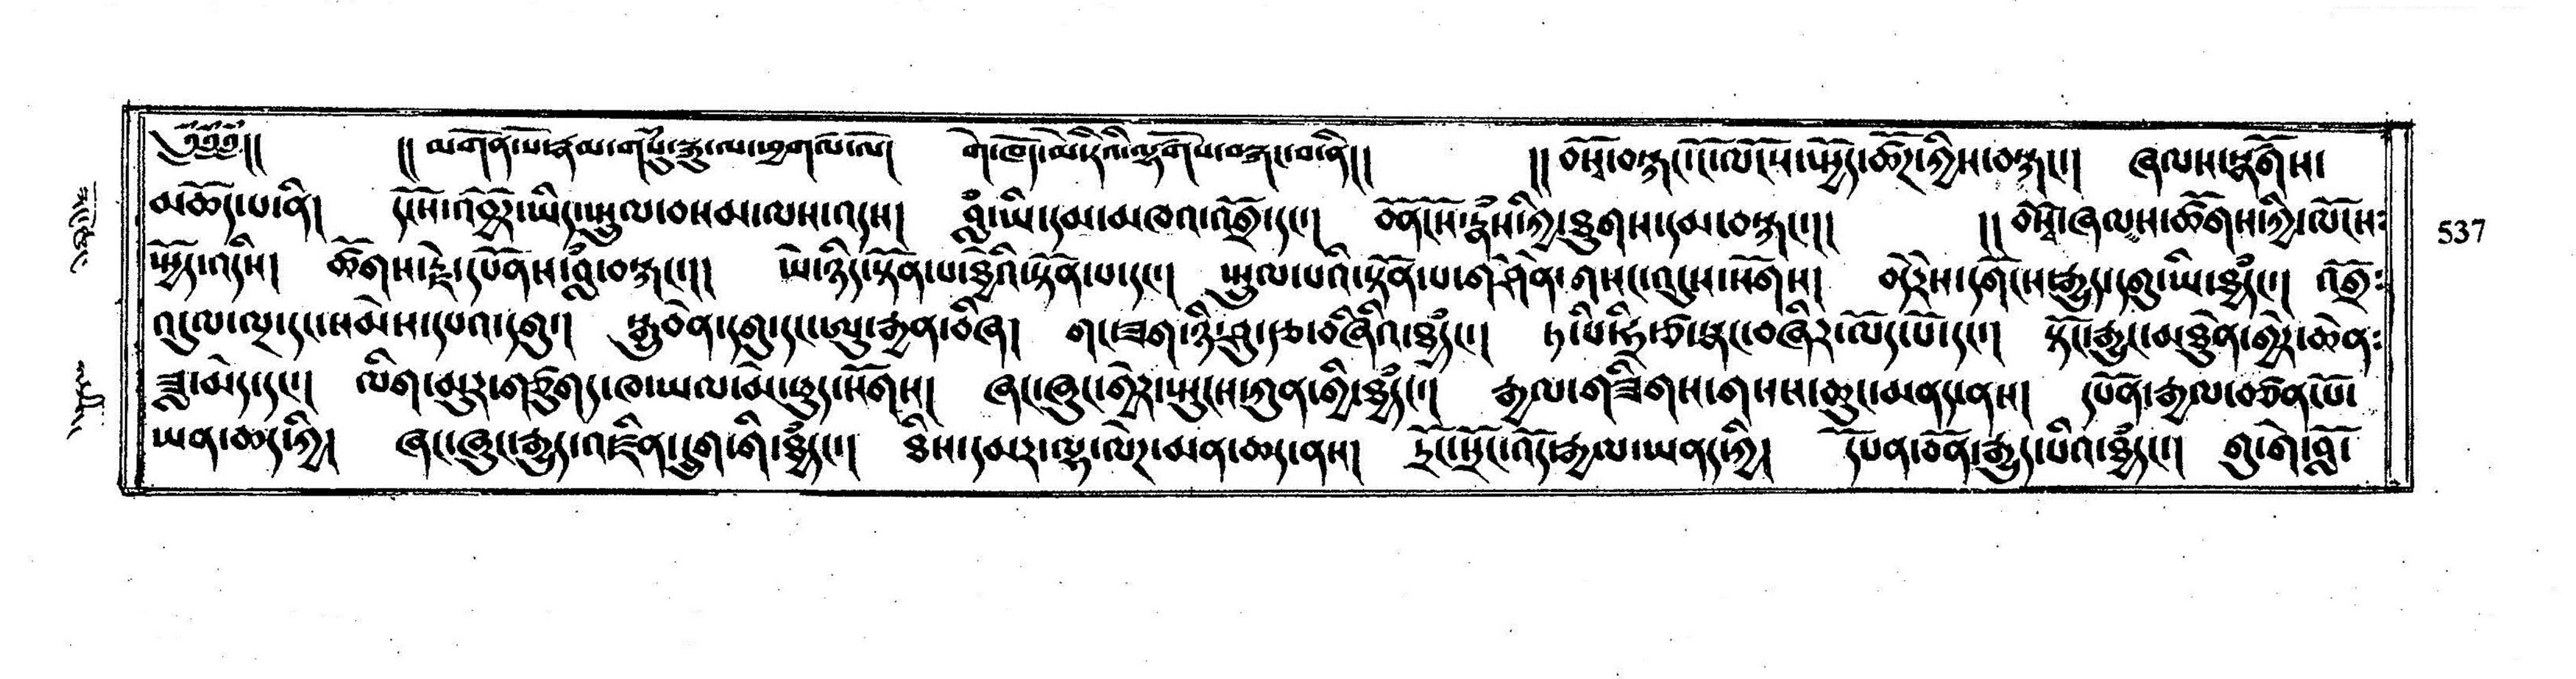༄༅༅།། །།མགོན་པོ་རྣམ་གསུམ་སྐུ་ལ་ཕྱག་འཚལ་ལོ། གེ་ཁོད་མེ་རིའི་ལྷ་ཚོགས་བསྐང་བ་ནི།། །།བསྭོ་བསྐང་ངོ་ལོངས་སྤྱོད་ཚོགས་ཀྱིས་བསྐང་། ཞལ་ཟས་སྣ་ཚོགས་
མཆོད་པ་ནི། དངོས་འབྱོར་ཡིད་སྤྲུལ་བསམ་ལས་འདས། བླ་མ་ཡི་དམ་མཁའ་འགྲོ་དང་། བོན་སྐྱོངས་རྣམས་ཀྱི་ཐུགས་དམ་བསྐང་།། །།བསྭོ་ཞལ་ཟས་ཚོགས་ཀྱི་ལོངས་
སྤྱོད་འདིས། ཚོགས་རྗེ་དཔོན་གསས་བླ་མ་བསྐང་།། ཡེ་ཉིད་སྟོན་པ་ཐུགས་རྗེའི་སྟོན་པ་དང་། སྤྲུལ་པའི་སྟོན་པ་གཤེན་ཆེན་གསང་འདུས་སོགས། བདེར་གཤེགས་དགོངས་རྒྱུད་དགུ་ཡི་ཐུགས་དམ་བསྐང་། འགྲོ་
འདུལ་ལྔ་དང་སེམས་དཔའ་དགུ། སྒྲུབ་ཆེན་དགུ་དང་ཨུ་རྒྱན་བཞི། གང་ཟག་ཉི་ཤུ་རྩ་བཞིའི་ཐུགས་དམ་བསྐང་། ཏ་པི་ཧྲི་ཙ་སྣང་བཞིར་ལོད་པོ་དང་། སྟོང་རྒྱུང་མཐུ་ཆེན་གྱེར་ཆེན་
ཟླ་མེད་དང་། ལིག་མུར་གཙུག་ཕུད་ཁ་ཡལ་མེ་ཕུད་སོགས། ཞང་ཞུང་གྱེར་སྤུངས་ཀུན་གྱི་ཐུགས་དམ་བསྐང་། རྒྱལ་གཟིགས་གསས་ཆུང་མན་ཆད་ནས། དཔོན་རྒྱལ་བཙན་པོ་
ཡན་ཆད་ཀྱི། ཞང་ཞུང་རྒྱུད་འཛིན་དྲུག་གི་ཐུགས་དམ་བསྐང་། ཐིས་དམར་ལྷ་ལེགས་མན་ཆད་ནས། དྲང་སྲོང་འོད་རྒྱལ་ཡན་ཆད་ཀྱི། དཔོན་བོན་རྒྱུད་པའི་ཐུགས་དམ་བསྐང་། གུ་གེ་བློ་